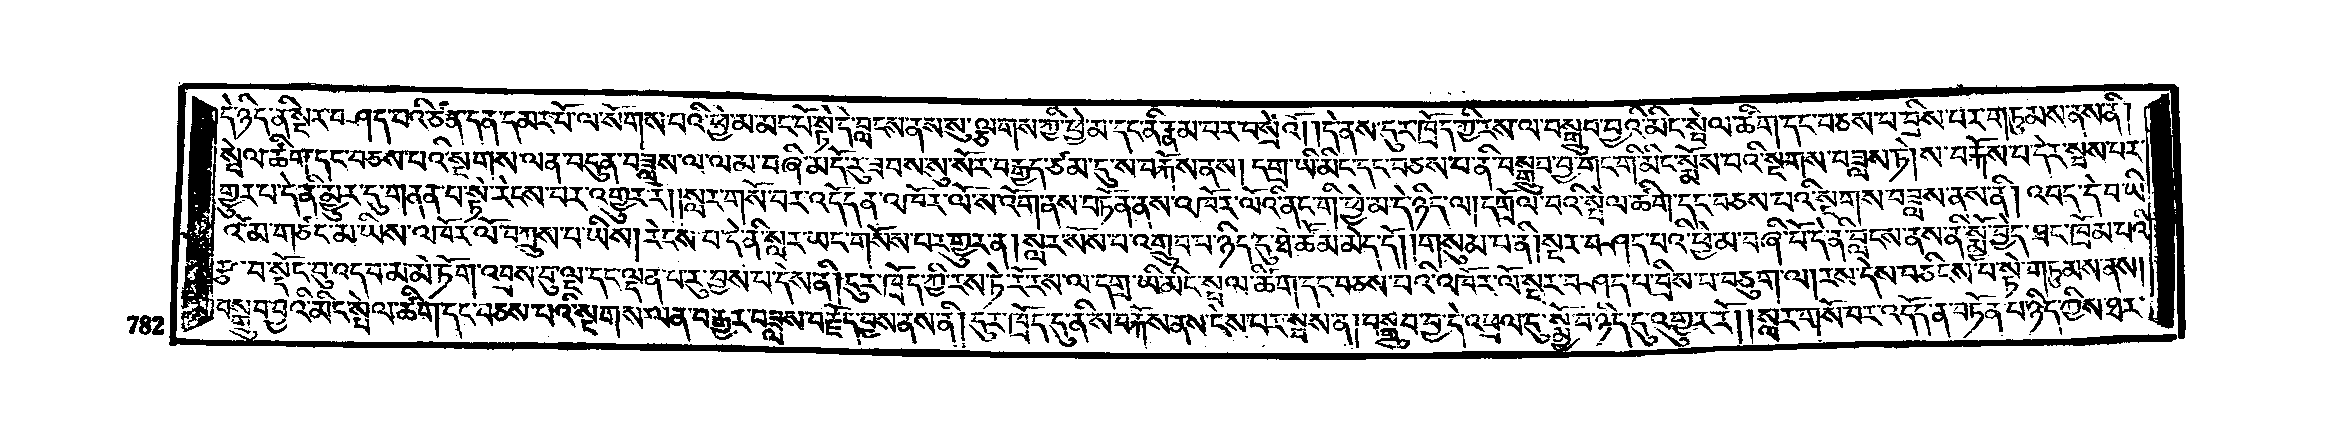དེ་ཉིད་ནི་སྔར་བཤད་པའི་ཙན་དན་དམར་པོ་ལ་སོགས་པའི་ཕྱེ་མ་མང་པོ་སྟེ་དེ་བླངས་ནས་སུ་ལྕགས་ཀྱི་ཕྱེ་མ་དང་ནི་རྣམ་པར་བསྲེའོ། །དེ་ནས་དུར་ཁྲོད་ཀྱི་རས་ལ་བསྒྲུབ་བྱའི་མིང་སྦེལ་ཚིག་དང་བཅས་པ་བྲིས་པར་གཏུམས་ནས་ནི།
སྤེལ་ཚིག་དང་བཅས་པའི་སྔགས་ལན་བདུན་བཟླས་ལ་ལམ་བཞི་མདོ་རུས་ཟབས་སུ་སོར་བརྒྱད་ཙམ་དུ་ས་བརྐོས་ནས། དགྲ་ཡི་མིང་དང་བཅས་པ་ནི་བསྒྲུབ་བྱ་གང་གི་མིང་སྨོས་པའི་སྔགས་བཟླས་ཏེ། ས་བརྐོད་པ་དེར་སྦས་པར་
གྱུར་པ་དེ་ནི་མྱུར་དུ་གནན་པ་སྟེ་རེངས་པར་འགྱུར་རོ། །སླར་གསོ་བར་འདོད་ན་འཁོར་ལོ་ས་འོག་ནས་བཏོན་ནས་འཁོར་ལོའི་ནང་གི་ཕྱེ་མ་དེ་ཉིད་ལ། དགྲོལ་བའི་སྤེལ་ཚིག་དང་བཅས་པའི་སྔགས་བཟླས་ནས་ནི། འབད་དེ་བ་ཡི་
འོ་མ་གཙང་མ་ཡིས་འཁོར་ལོ་བཀྲུས་པ་ཡིས། རེངས་པ་དེ་ནི་སླར་ཡང་གསོས་པར་གྱུར་ན། སླར་སོས་པ་འགྲུབ་པ་ཉིད་དུ་ཐེ་ཚོམ་མེད་དོ། །གསུམ་པ་ནི། སྔར་བཤད་པའི་ཕྱེ་མ་བཞི་པོ་དེ་ནི་བླངས་ནས་ནི་སམཡ་བྱེད་ཐང་ཁྲོམ་པའི་
རྩ་བ་སྡོང་བུ་འདབ་མ་མེ་ཏོག་འབྲས་བུ་ལྔ་དང་ལྡན་པ་རུ་བྱས་པ་དེས་ནི། དུར་ཁྲོད་ཀྱི་རས་ཏེ་རོ་རས་ལ་དགྲ་ཡི་མིང་སྤས་ཚིག་དང་བཅས་པའི་འཁོར་ལོ་སྔར་བཤད་པ་བྲིས་པ་བཅུག་ལ། རས་དེས་བཅིངས་པ་སྟེ་གཏུམས་ནས།
བསྒྲུབ་བྱའི་མིང་སྤེལ་ཚིག་དང་བཅས་པའི་སྔགས་ཡན་བརྒྱར་བཟླས་བརྗོད་བྱས་ནས་ནི། དུར་ཁྲོད་དུ་ནི་ས་བརྐོས་ནས་ངེས་པར་སྤས་ན། བསྒྲུབ་བྱ་དེ་འཕྲལ་དུ་སྨྱོ་བ་ཉིད་དུ་འགྱུར་རོ། །སླར་གསོ་བར་འདོད་ན་བཏོན་པ་ཉིད་ཀྱིས་ཐར་